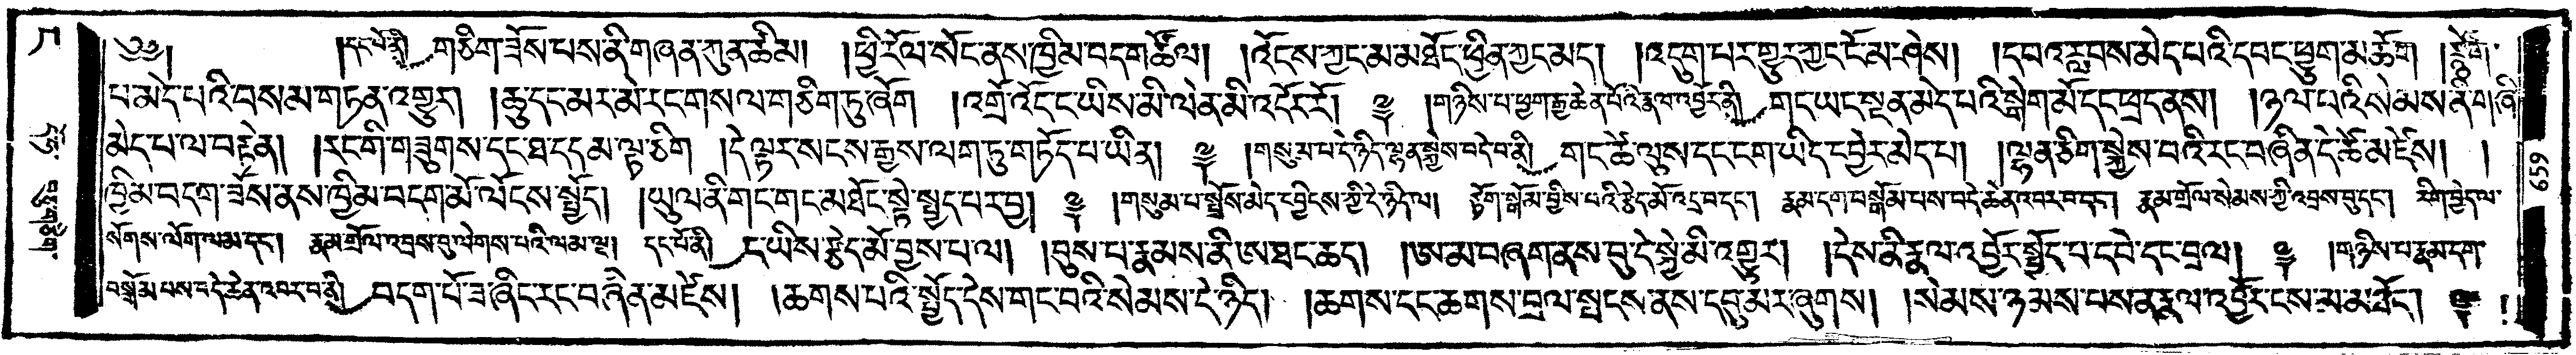༄༅། །དང་པོ་ནི། གཅིག་ཟོས་པས་ནི་གཞན་ཀུན་ཚིམ། །ཕྱི་རོལ་སོང་ནས་ཁྱིམ་བདག་ཚོལ། །འོངས་ཀྱང་མ་མཐོང་ཕྱིན་ཀྱང་མད། །འདུག་པར་གྱུར་ཀྱང་ངོ་མ་ཤེས། །དབའ་རླབས་མེད་ལྟར་སངས་རྒྱས་ལག་ཏུ་གཉོད་པ་ཡིན། ༈ །གསུམ་པ་དེ་ཉིད་ལྷན་
པ་མེད་པའི་བསམ་གཏན་འགྱུར། །ཆུ་དང་མར་མེ་རང་གསལ་གཅིག་ཏུ་ཞོག །འགྲོ་འོང་ད་ཡིས་མི་ལེན་མི་འདོར་རོ། ༈ །གཉིས་པ་ཕྱག་རྒྱ་ཆེན་པོའི་རྣལ་འབྱོར་ནི། གང་ཡང་སྔན་མེད་པའི་སྒེག་མོ་དང་ཕྲད་ནས། །ཉལ་བའི་སེམས་ནི་གཞི་
མེད་པ་ལ་བརྟེན། །རང་གི་གཟུགས་དང་ཐ་དད་མ་ལྟ་ཅིག །དེ་ལྟར་སངས་རྒྱས་ལག་ཏུ་གཉོད་པ་ཡིན། ༈ །གསུམ་པ་དེ་ཉིད་ལྷན་སྐྱེས་བདེ་བ་ནི། གང་ཚེ་ལུས་དང་ངག་ཡིད་དབྱེར་མེད་པ། །ལྷན་ཅིག་སྐྱེས་པའི་རང་བཞིན་དེ་ཚེ་མཛེས། །
ཁྱིམ་བདག་ཟོས་ནས་ཁྱིམ་བདག་མོ་ལོངས་སྤྱོད། །ཡུལ་ནི་གང་གང་མཐོང་སྟེ་སྤྱད་པར་བྱ། ༈ །གསུམ་པ་སྤྲོས་མེད་དབྱིངས་ཀྱི་དེ་ཉིད་ལ། རྟོག་སྒོམ་ཕྱིས་པའི་རྩེད་མོ་འདྲ་བ་དང་། རྣམ་དག་བསྒོམ་པས་བདེ་ཆེན་འབར་བ་དང་། རྣམ་གྲོལ་སེམས་ཀྱི་འབྲས་བུ་དང་། རིག་བྱེད་ལ་
སོགས་ལོག་ལམ་དང་། རྣམ་གྲོལ་འབྲས་བུ་ལེགས་པའི་ལམ་ལྔ། དང་པོ་ནི། ང་ཡིས་རྩེད་མོ་བྱས་པ་ལ། །བུས་པ་རྣམས་ནི་ཨ་ཐང་ཆད། །ཨ་མ་བཞག་ནས་བུ་དེ་སྐྱེ་མི་འགྱུར། །དེས་ནི་རྣལ་འབྱོར་སྤྱོད་པ་དཔེ་དང་བྲལ། ༈ །གཉིས་པ་རྣམ་དག་
བསྒོམ་བསད་དེ་ཆེན་འབར་བ་ནི། བདག་པོ་ཟ་ཞིར་རང་བཞིན་མཛེས། །ཆགས་པའི་སྤྱོད་དེས་གང་བའི་སེམས་དེ་ཉིད། །ཆགས་དང་ཆགས་བྲལ་སྤངས་ནས་དབུ་མར་ཞུགས། །སེམས་ཉམས་པས་ན་རྣལ་འབྱོར་ངས་མ་མཐོང་། ༈ །